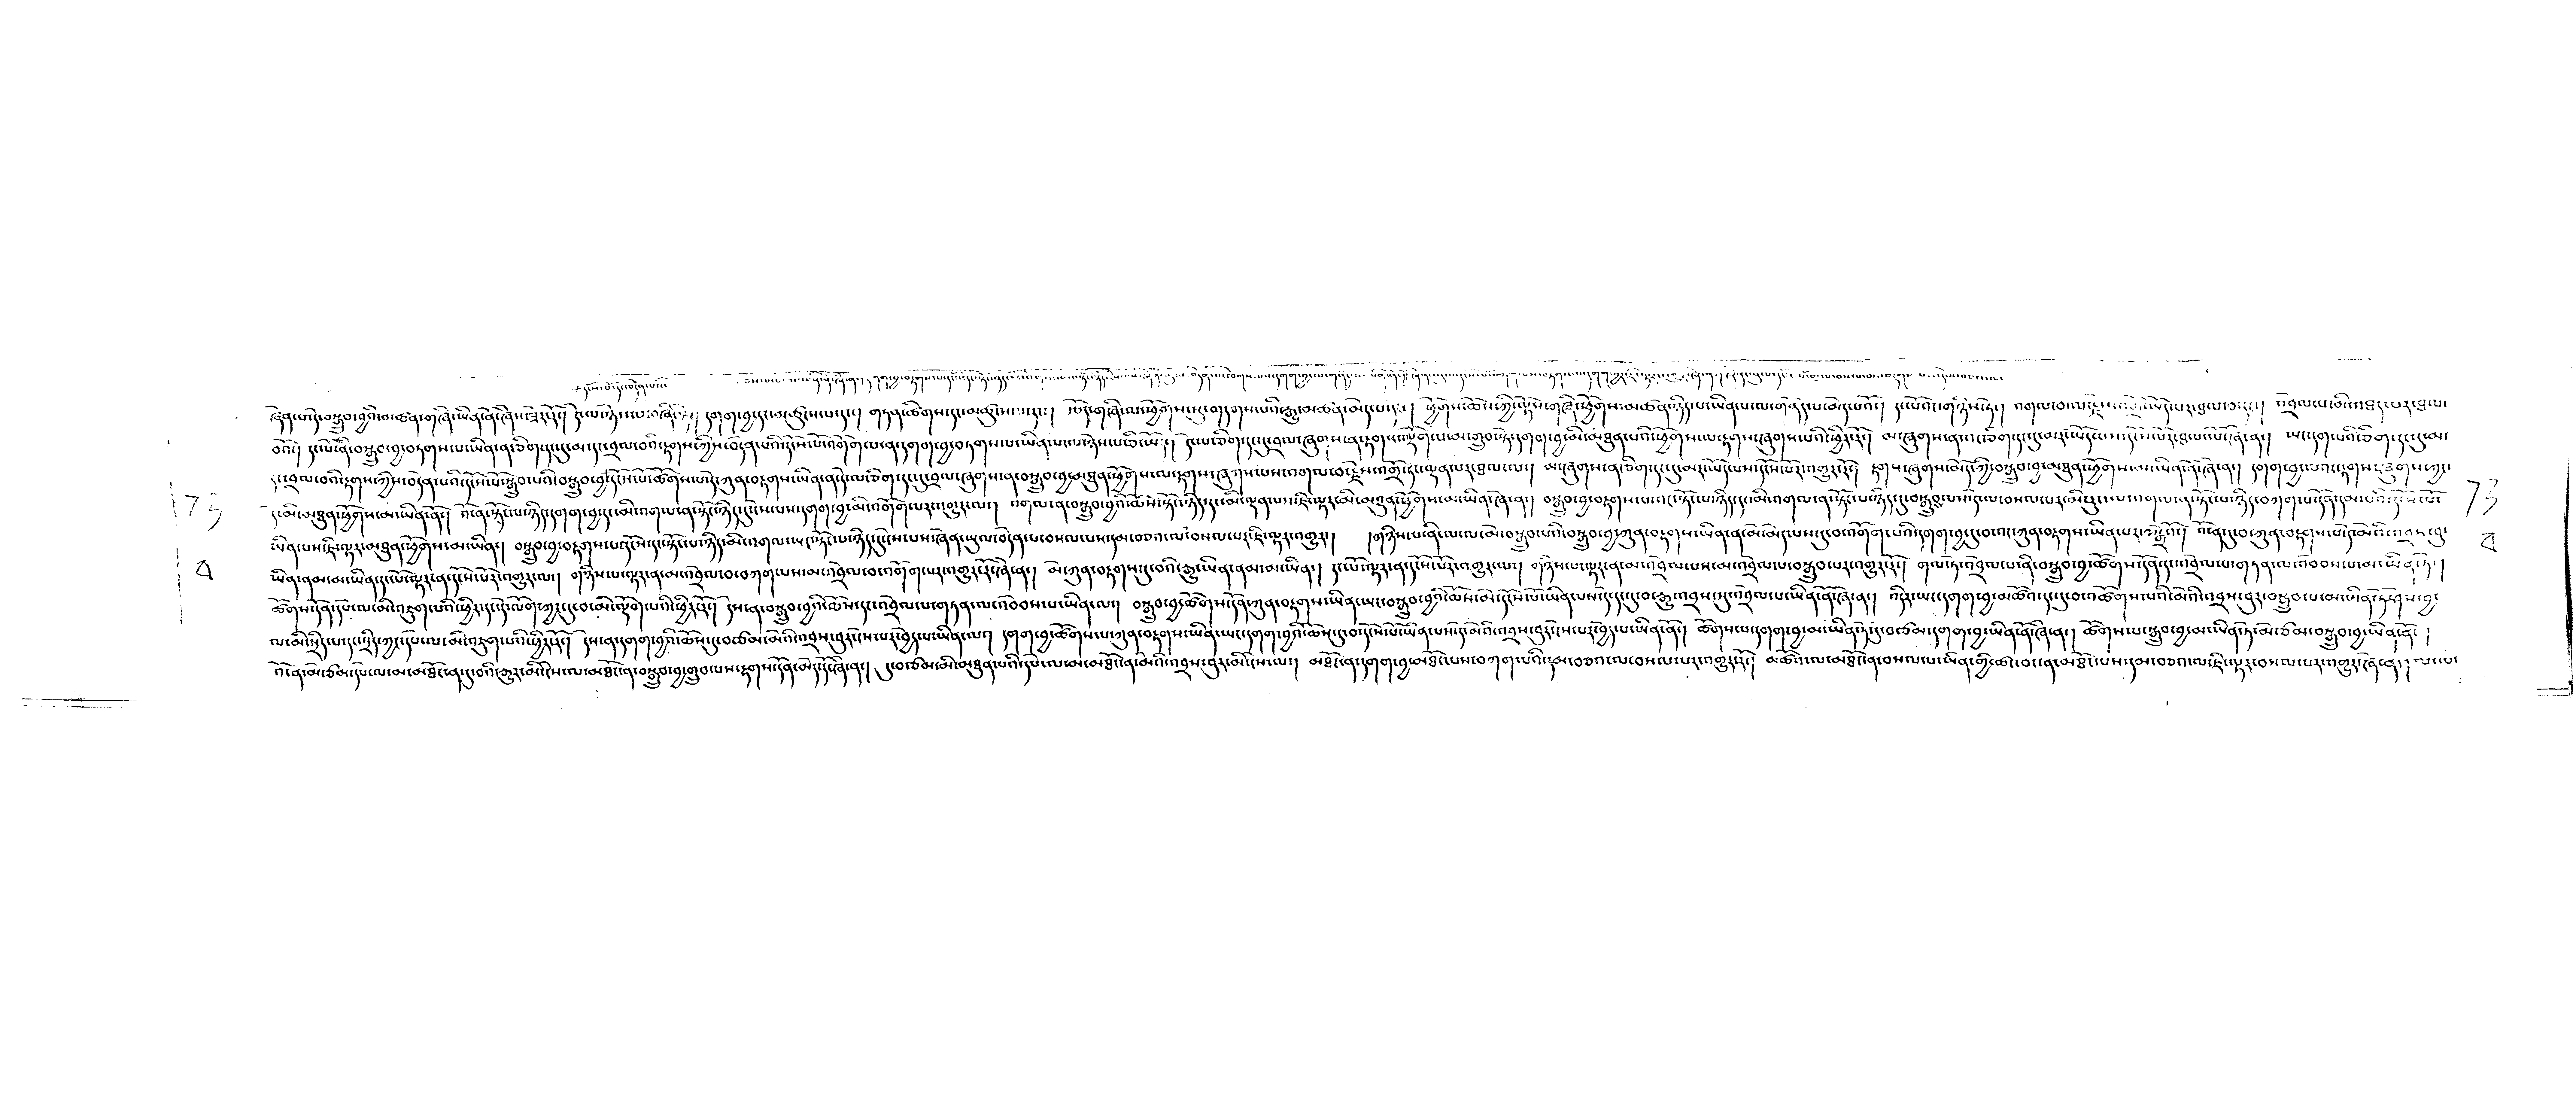ཞེན་པ་དེ་བསྒྲུབ་བྱའི་མཚན་གཞི་ཡིན་ནོ་ཞེས་ཟེར་རོ། དེ་ལ་ཉེས་པ་བཞི་སྟེ། དགག་བྱ་དང་མཚུངས་པ་དང་། གཏན་ཚིགས་དང་མཚུངས་པ་དང་། རྩོད་གཞི་ལ་ཕྱོགས་སུ་གདགས་པའི་རྒྱུ་མཚན་མེད་པ་དང་། ཕྱོགས་ཆོས་ཀྱི་ལྟོས་གཞི་ཕྱོགས་མཚན་ཉིད་པ་ཡིན་པ་ལ་གནོད་པ་མེད་པའོ། དང་པོའང་གཉིས་ཏེ། འགལ་བ་ལ་རྗེས་འགྲོ་ཡོད་པར་ཐལ་བ་དང་། འབྲེལ་པ་མི་འཐད་པར་ཐལ་
བའོ། དང་པོ་ནི་བསྒྲུབ་བྱ་བཏགས་པ་ཡིན་ན་ཅིག་དང་དུ་མ་དང་བྲལ་བའི་རྟགས་ཀྱིས་བདེན་པའི་དངོས་པོ་འགོག་པ་ན་དགག་བྱ་བཏགས་པ་ཡིན་པ་ལ་ཉེས་པ་ཅི་ཡོད། དེ་ལ་ཅིག་དང་དུ་བྲལ་ཞུགས་ན་རྟགས་ལྡོག་པ་མ་གྲུབ་སྟེ་དགག་བྱ་མི་མཐུན་པའི་ཕྱོགས་ལ་རྟགས་ཞུགས་པའི་ཕྱིར་རོ། མ་ཞུགས་ན་འང་ཅིག་དང་དུ་མར་ཡོད་པས་དངོས་པོར་ཐལ་ལོ་ཞེ་ན། ཡང་དག་པའི་ཅིག་དང་དུ་མ་
དང་བྲལ་བའི་རྟགས་ཀྱིས་བདེན་པའི་དངོས་པོ་སྒྲུབ་པའི་བསྒྲུབ་བྱ་དངོས་པོ་ཚོགས་པ་དེ་ཀུན་བརྟགས་ཡིན་ན་དེ་ལ་ཅིག་དང་དུ་བྲལ་ཞུགས་ན་བསྒྲུབ་བྱ་མཐུན་ཕྱོགས་ལ་རྟགས་ཞུགས་པས་འགལ་བ་རྗེས་འགྲོ་དང་ལྡན་པར་ཐལ་ལ། མ་ཞུགས་ན་ཅིག་དང་དུ་མར་ཡོད་པས་དངོས་པོར་འགྱུར་རོ། རྟགས་ཞུགས་མོད་ཀྱི་བསྒྲུབ་བྱ་མཐུན་ཕྱོགས་མ་ཡིན་ནོ་ཞེ་ན། དགག་བྱ་ལའང་རྟགས་ཞུགས་ཀྱང་
དེ་མི་མཐུན་ཕྱོགས་མ་ཡིན་ནོ། འོ་ན་སྟོང་པ་ཉིད་དགག་བྱ་དང་མི་འགལ་ན་སྟོང་ཉིད་དུ་ངེས་པས་དགག་བྱ་མི་འགོག་པར་འགྱུར་ལ། འགལ་ན་བསྒྲུབ་བྱའི་ཆོས་སྟོང་ཉིད་དང་མི་ལྡན་པས་ཇི་ལྟར་མི་མཐུན་ཕྱོགས་མ་ཡིན་ཞེ་ན། བསྒྲུབ་བྱ་བརྟགས་པ་འང་སྟོང་པ་ཉིད་དང་མི་འགལ་ན་སྟོང་པ་ཉིད་དུ་བསྒྲུབ་པས་དེ་ལ་བསལ་པར་མི་རུང་པ་འགལ་ན་སྟོང་པ་ཉིད་བཀག་པ་དོན་དམ་པའི་དངོས་པོ་
ཡིན་པས་ཇི་ལྟར་མཐུན་ཕྱོགས་མ་ཡིན། བསྒྲུབ་བྱ་བརྟགས་པ་དངོས་དང་སྟོང་པ་ཉིད་མི་འགལ་ཡང་སྟོང་པ་ཉིད་དུ་ངེས་པས་ཞེན་ཡུལ་བདེན་པ་བསལ་པས་དམ་བཅའ་ལ་བསལ་པར་ཇི་ལྟར་འགྱུར། །གཉིས་པ་ནི་ལ་ལ་མེ་བསྒྲུབ་པའི་བསྒྲུབ་བྱ་ཀུན་བརྟགས་ཡིན་ན་མེ་མེད་པས་དུ་བ་འགོག་པའི་དགག་བྱ་དུ་བ་འང་ཀུན་བརྟགས་ཡིན་པར་བསྒྲེའོ། འོ་ན་དུ་བ་ཀུན་བརྟགས་པ་དེ་མེའི་འབྲས་བུ་
ཡིན་ནམ་མ་ཡིན་དང་པོ་ལྟར་ན་དངོས་པོར་འགྱུར་ལ། གཉིས་པ་ལྟར་ན་མ་འབྲེལ་བ་བཀག་པས་མ་འབྲེལ་བ་འགོག་པར་འགྱུར་རོ་ཞེ་ན། མེ་ཀུན་བརྟགས་དུ་བའི་རྒྱུ་ཡིན་ནམ་མ་ཡིན། དང་པོ་ལྟར་ན་དངོས་པོར་འགྱུར་ལ། གཉིས་པ་ལྟར་ན་མ་འབྲེལ་པས་མ་འབྲེལ་པ་བསྒྲུབ་པར་འགྱུར་རོ། གལ་ཏེ་འབྲེལ་པ་ནི་བསྒྲུབ་བྱ་ཚོགས་དོན་དང་འབྲེལ་པ་གཏན་ལ་འབེབས་པ་མ་ཡིན་ཏེ།
ཚོགས་དོན་དཔེ་ལ་མི་འཇུག་པའི་ཕྱིར་དང་དེ་ལོག་ཀྱང་དུ་བ་མི་ལྡོག་པའི་ཕྱིར་རོ། དེས་ན་བསྒྲུབ་བྱའི་ཆོས་དང་འབྲེལ་པ་གཏན་ལ་འབེབས་པ་ཡིན་ལ། བསྒྲུབ་བྱ་ཚོགས་དོན་ཀུན་བརྟགས་ཡིན་ཡང་བསྒྲུབ་བྱའི་ཆོས་མེ་དངོས་པོ་ཡིན་པས་དེ་དང་དུ་བ་རྒྱུ་འབྲས་སུ་འབྲེལ་པ་ཡིན་ནོ་ཞེ་ན། འདིར་ཡང་དགག་བྱ་མཚོའ་དང་དུ་བ་འཚོགས་པའི་མེའི་འབྲས་བུར་བསྒྲུབ་པ་མ་ཡིན་ཏེ་ཤེས་བྱ་
ལ་མི་སྲིད་པ་དང་སྲིད་ཀྱང་དཔེ་ལ་མི་འཇུག་པའི་ཕྱིར་རོ། དེས་ན་དགག་བྱའི་ཆོས་དུ་བ་ཙམ་མེའི་འབྲས་བུར་ངེས་པར་བྱེད་པ་ཡིན་ལ། དགག་བྱ་ཚོགས་པ་ཀུན་བརྟགས་ཡིན་ཡང་དགག་བྱའི་ཆོས་དུ་བ་དངོས་པོ་ཡིན་པས་དེ་མེའི་འབྲས་བུར་ངེས་པར་བྱེད་པ་ཡིན་ནོ། ཚོགས་པ་དགག་བྱ་མ་ཡིན་ཏེ་དུ་བ་ཙམ་དགག་བྱ་ཡིན་ནོ་ཞེ་ན། ཚོགས་པ་སྒྲུབ་བྱ་མ་ཡིན་ཏེ་མེ་ཙམ་བསྒྲུབ་བྱ་ཡིན་ནོ།
འོ་ན་མེ་ཙམ་དཔེ་ལ་མ་མཐོང་ན་དུ་བའི་རྒྱུར་མི་ངེས་ལ་མཐོང་ན་བསྒྲུབ་བྱ་གྲུབ་པས་རྟགས་དོན་མེད་དོ་ཞེ་ན། དུ་བ་ཙམ་མི་མཐུན་པའི་དཔེ་ལ་མ་མཐོང་ན་མེའི་འབྲས་བུར་མི་ངེས་ལ། མཐོང་ན་དགག་བྱ་མཐོང་པས་བཀག་པའི་དམ་བཅའ་ལ་བསལ་པར་འགྱུར་རོ། མཚོའ་ལ་མཐོང་ན་བསལ་པ་ཡིན་གྱི་ཚང་བ་ངན་མཐོང་པས་དམ་བཅའ་ལ་ཇི་ལྟར་བསལ་པར་འགྱུར་ཞེ་ན། ལ་ལ་